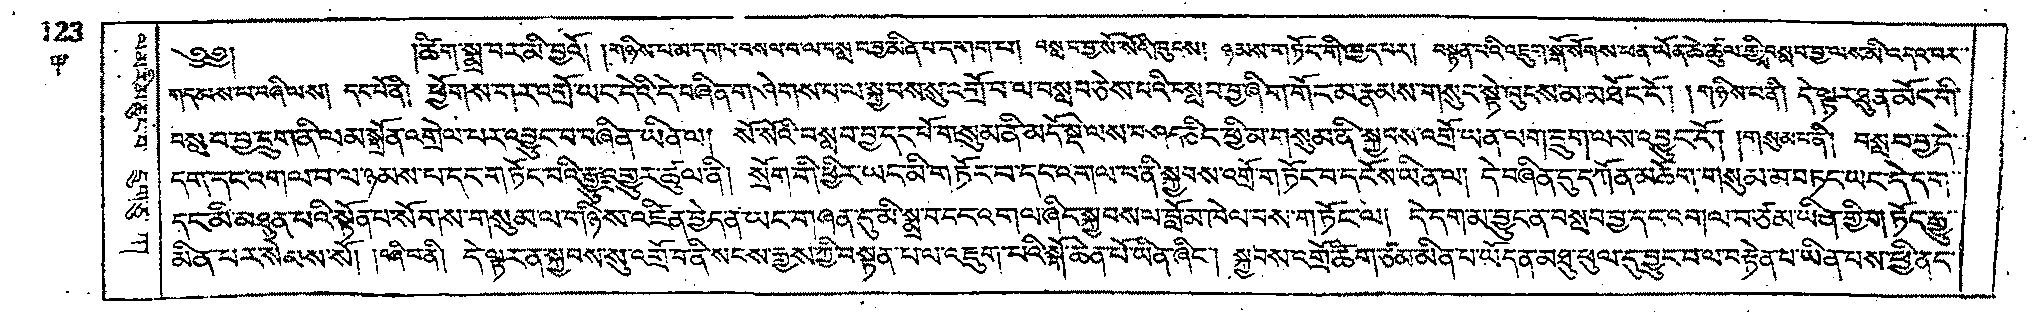༄༅། །ཚིག་སྨྲ་བར་མི་བྱའོ། ། གཉིས་པ་མ་དག་པ་བསལ་བ་ལ་བསླབ་བྱ་མིན་པ་དགག་པ། བསླབ་བྱ་སོ་སོའི་ཁུངས། ཉམས་གཏོང་གི་ཁྱད་པར། བསྟན་པའི་འཇུག་སྒོ་སོགས་ཕན་ཡོན་ཆེ་ཚུལ་གྱིས་བསླབ་བྱ་ལས་མི་འདའ་བར
གདམས་པ་བཞི་ལས། དང་པོ་ནི། ཕྱོགས་གར་འགྲོ་ཡང་དེའི་དེ་བཞིན་གཤེགས་པ་ལ་སྐྱབས་སུ་འགྲོ་བ་ལ་བསླབ་ཅེས་པའི་བསླབ་བྱ་ཞིག་གོང་མ་རྣམས་གསུང་སྟེ་ཁུངས་མ་མཐོང་ངོ། ། གཉིས་པ་ནི།  དེ་ལྟར་ཐུན་མོང་གི་
བསླབ་བྱ་དྲུག་ནི་ལམ་སྒྲོན་འགྲེལ་པར་འབྱུང་བ་བཞིན་ཡིན་ལ། སོ་སོའི་བསླབ་བྱ་དང་པོ་གསུམ་ནི་མདོ་སྡེ་ལས་བཤད་ཅིང་ཕྱི་མ་གསུམ་ནི་སྐྱབས་འགྲོ་ཡན་ལག་དྲུག་ལས་འབྱུང་ངོ། ། གསུམ་པ་ནི།  བསླབ་བྱ་དེ་
དག་དང་འགལ་བ་ལ་ཉམས་པ་དང་གཏོང་བའི་རྒྱུར་འགྱུར་ཚུལ་ནི། སྲོག་གི་ཕྱིར་ཡང་མི་གཏོང་བ་དང་འགལ་བ་ནི་སྐྱབས་འགྲོ་གཏོང་བ་དངོས་ཡིན་ལ། དེ་བཞིན་དུ་དཀོན་མཆོག་གསུམ་མ་བཏང་ཡང་དེ་དག་
དང་མི་མཐུན་པའི་སྟོན་པ་སོགས་གསུམ་ལ་གཉིས་འཛིན་བྱེད་ན་ཡང་གཞན་དུ་མི་སྨྲ་བ་ངང་འགལ་ཞིང་སྐྱབས་ལ་བློ་མ་ཁེལ་བས་གཏོང་ལ། དེ་དག་མ་བྱུང་ན་བསླབ་བྱ་དང་འགལ་བ་ཙམ་ཡིན་གྱི་གཏོང་རྒྱུ་
མིན་པར་སེམས་སོ། ། བཞི་པ་ནི།  དེ་ལྟར་ན་སྐྱབས་སུ་འགྲོ་བ་ནི་སངས་རྒྱས་ཀྱི་བསྟན་པ་ལ་འཇུག་པའི་སྒོ་ཆེན་པོ་ཡིན་ཞིང་། སྐྱབས་འགྲོ་ཚིག་ཙམ་མིན་པ་ཡོད་ན་མཐུ་ཕུལ་དུ་བྱུང་བ་ལ་བརྟེན་པ་ཡིན་པས་ཕྱི་ནང་